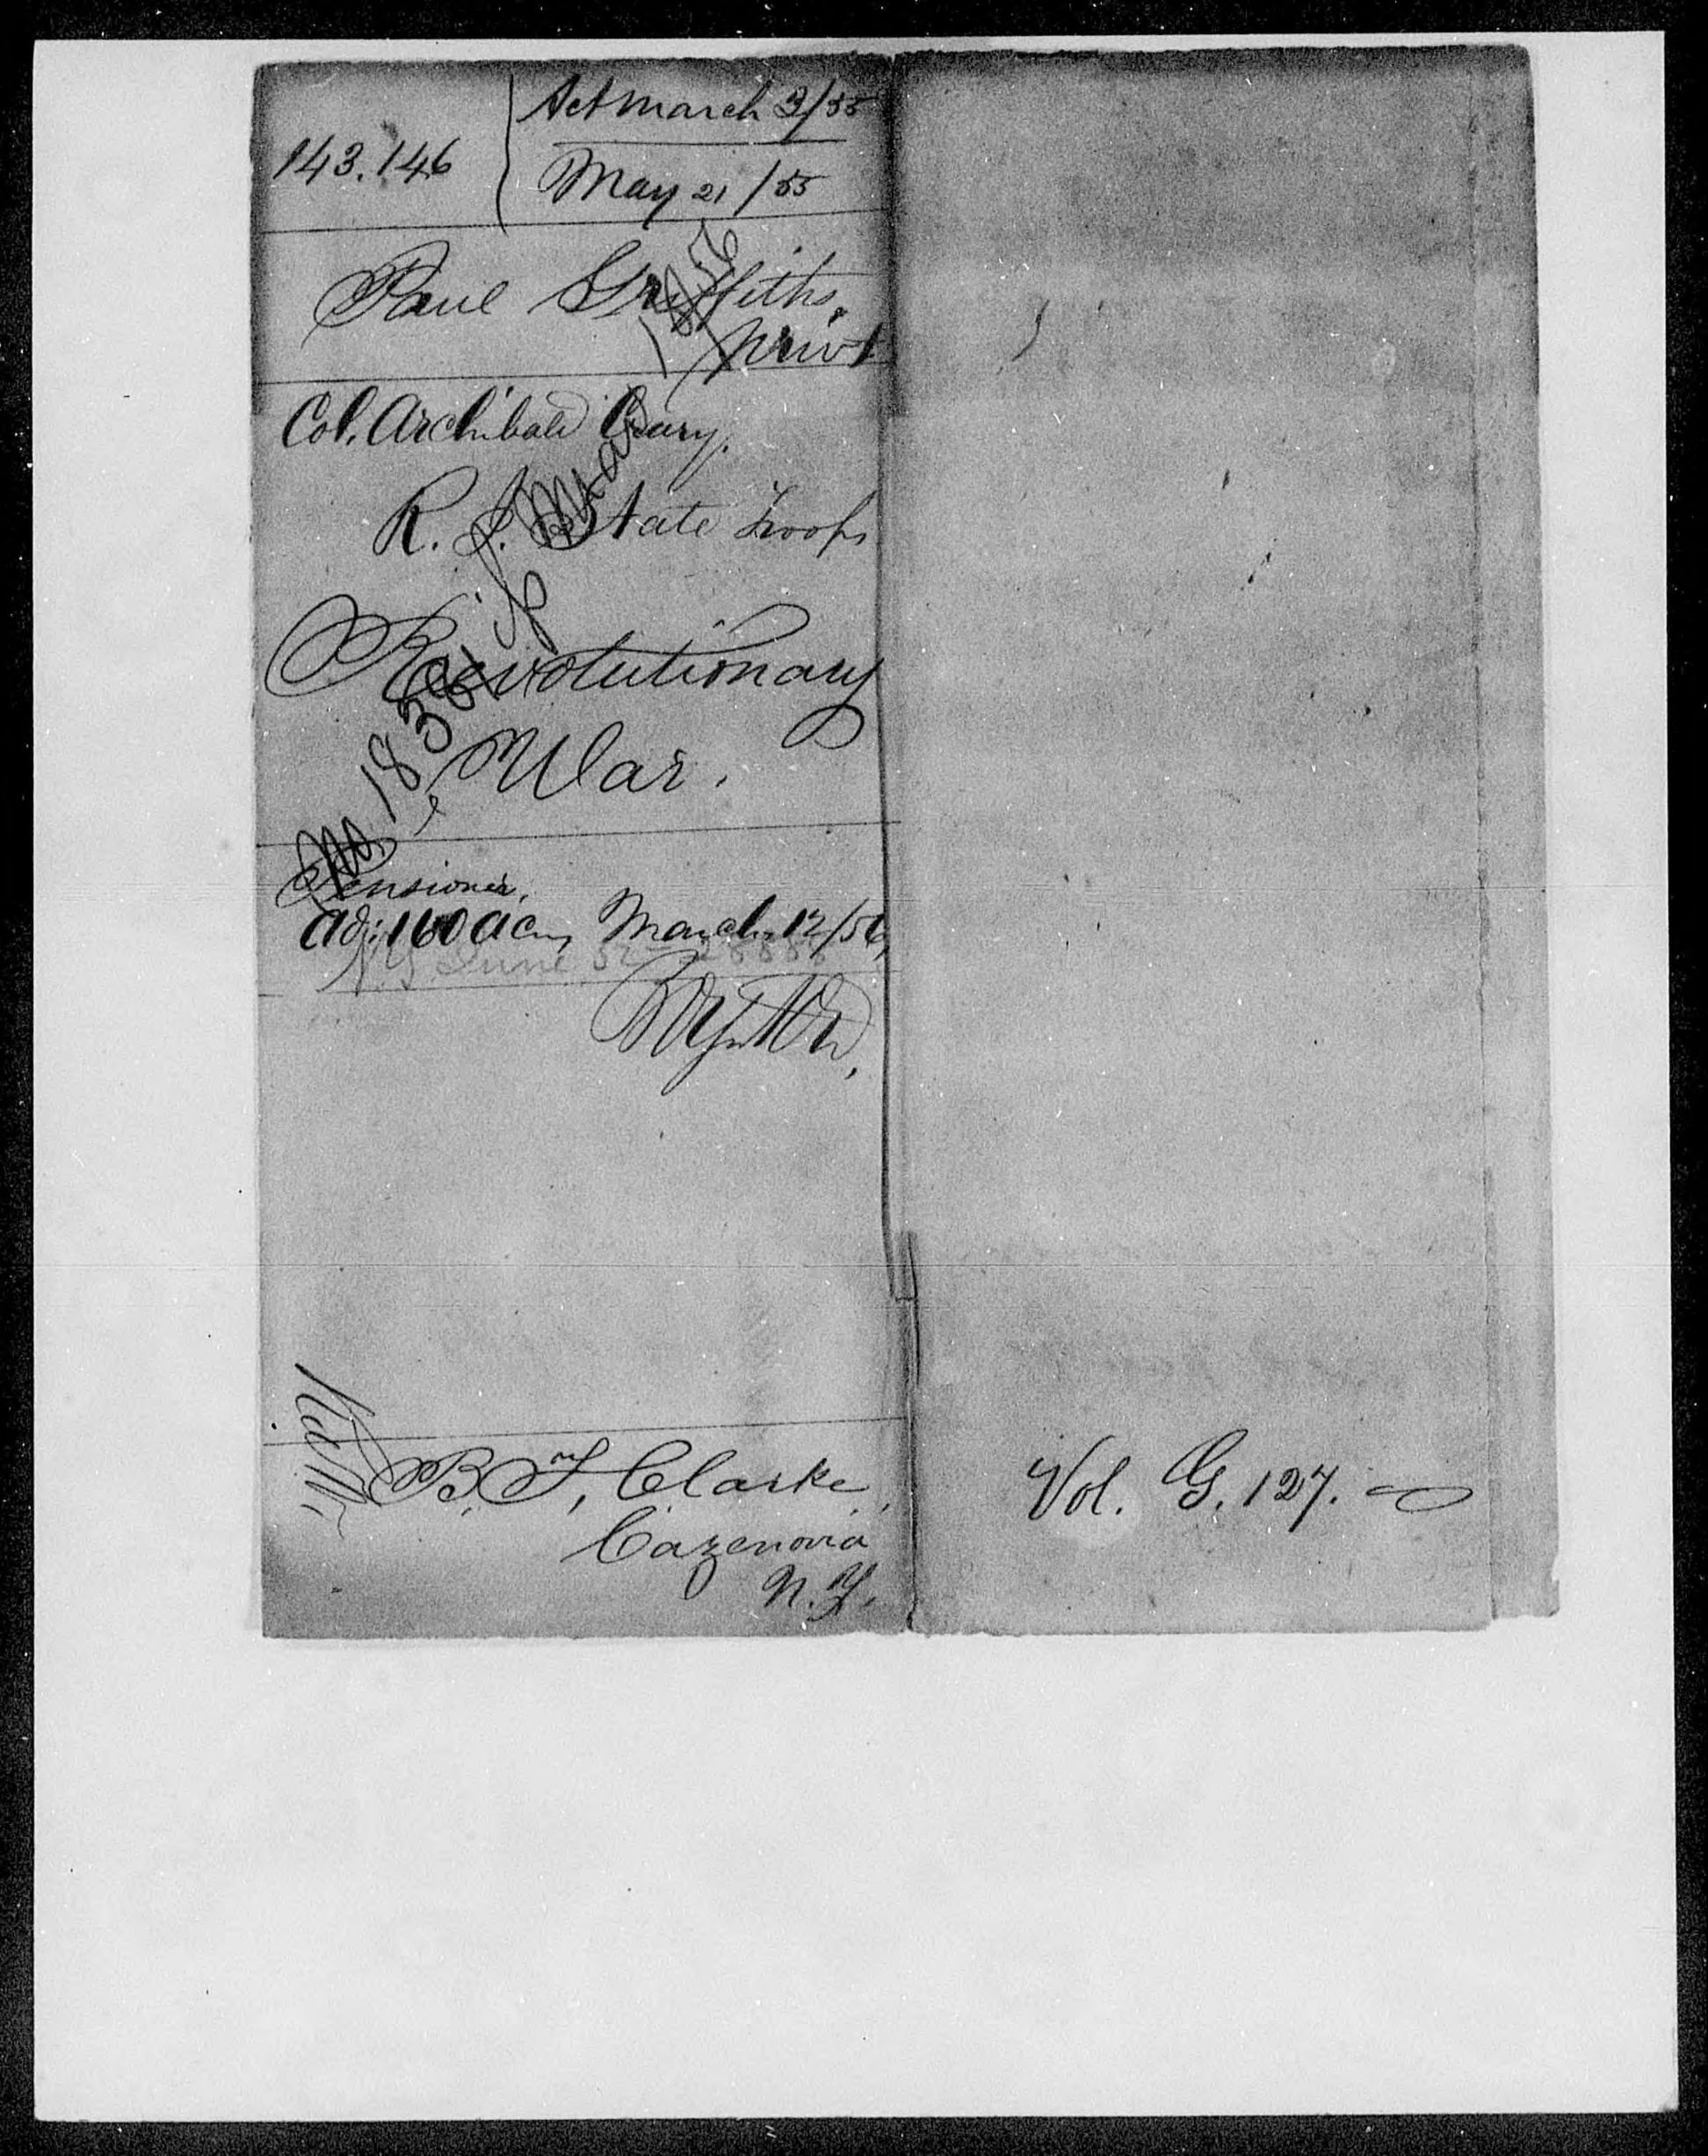143.146 Act March 3/55
May 21/55
Paul Griffiths
Privt.

Col. Archibald Crary
R.I. State Troops
Revolutionary War

Pensions
Ad: 160 A Cm March 12/56
N.Y June 52-28888
Boynton

B.T. Clark
Cazenovia N.Y.

No. 18381 ss Mar 18/56

Vol. G.127.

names: Boynton, B T Clarke, Paul Griffiths, Archibald Crary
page: 2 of 61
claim: survivor's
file: S. 22798, Paul Griffiths, R.I.